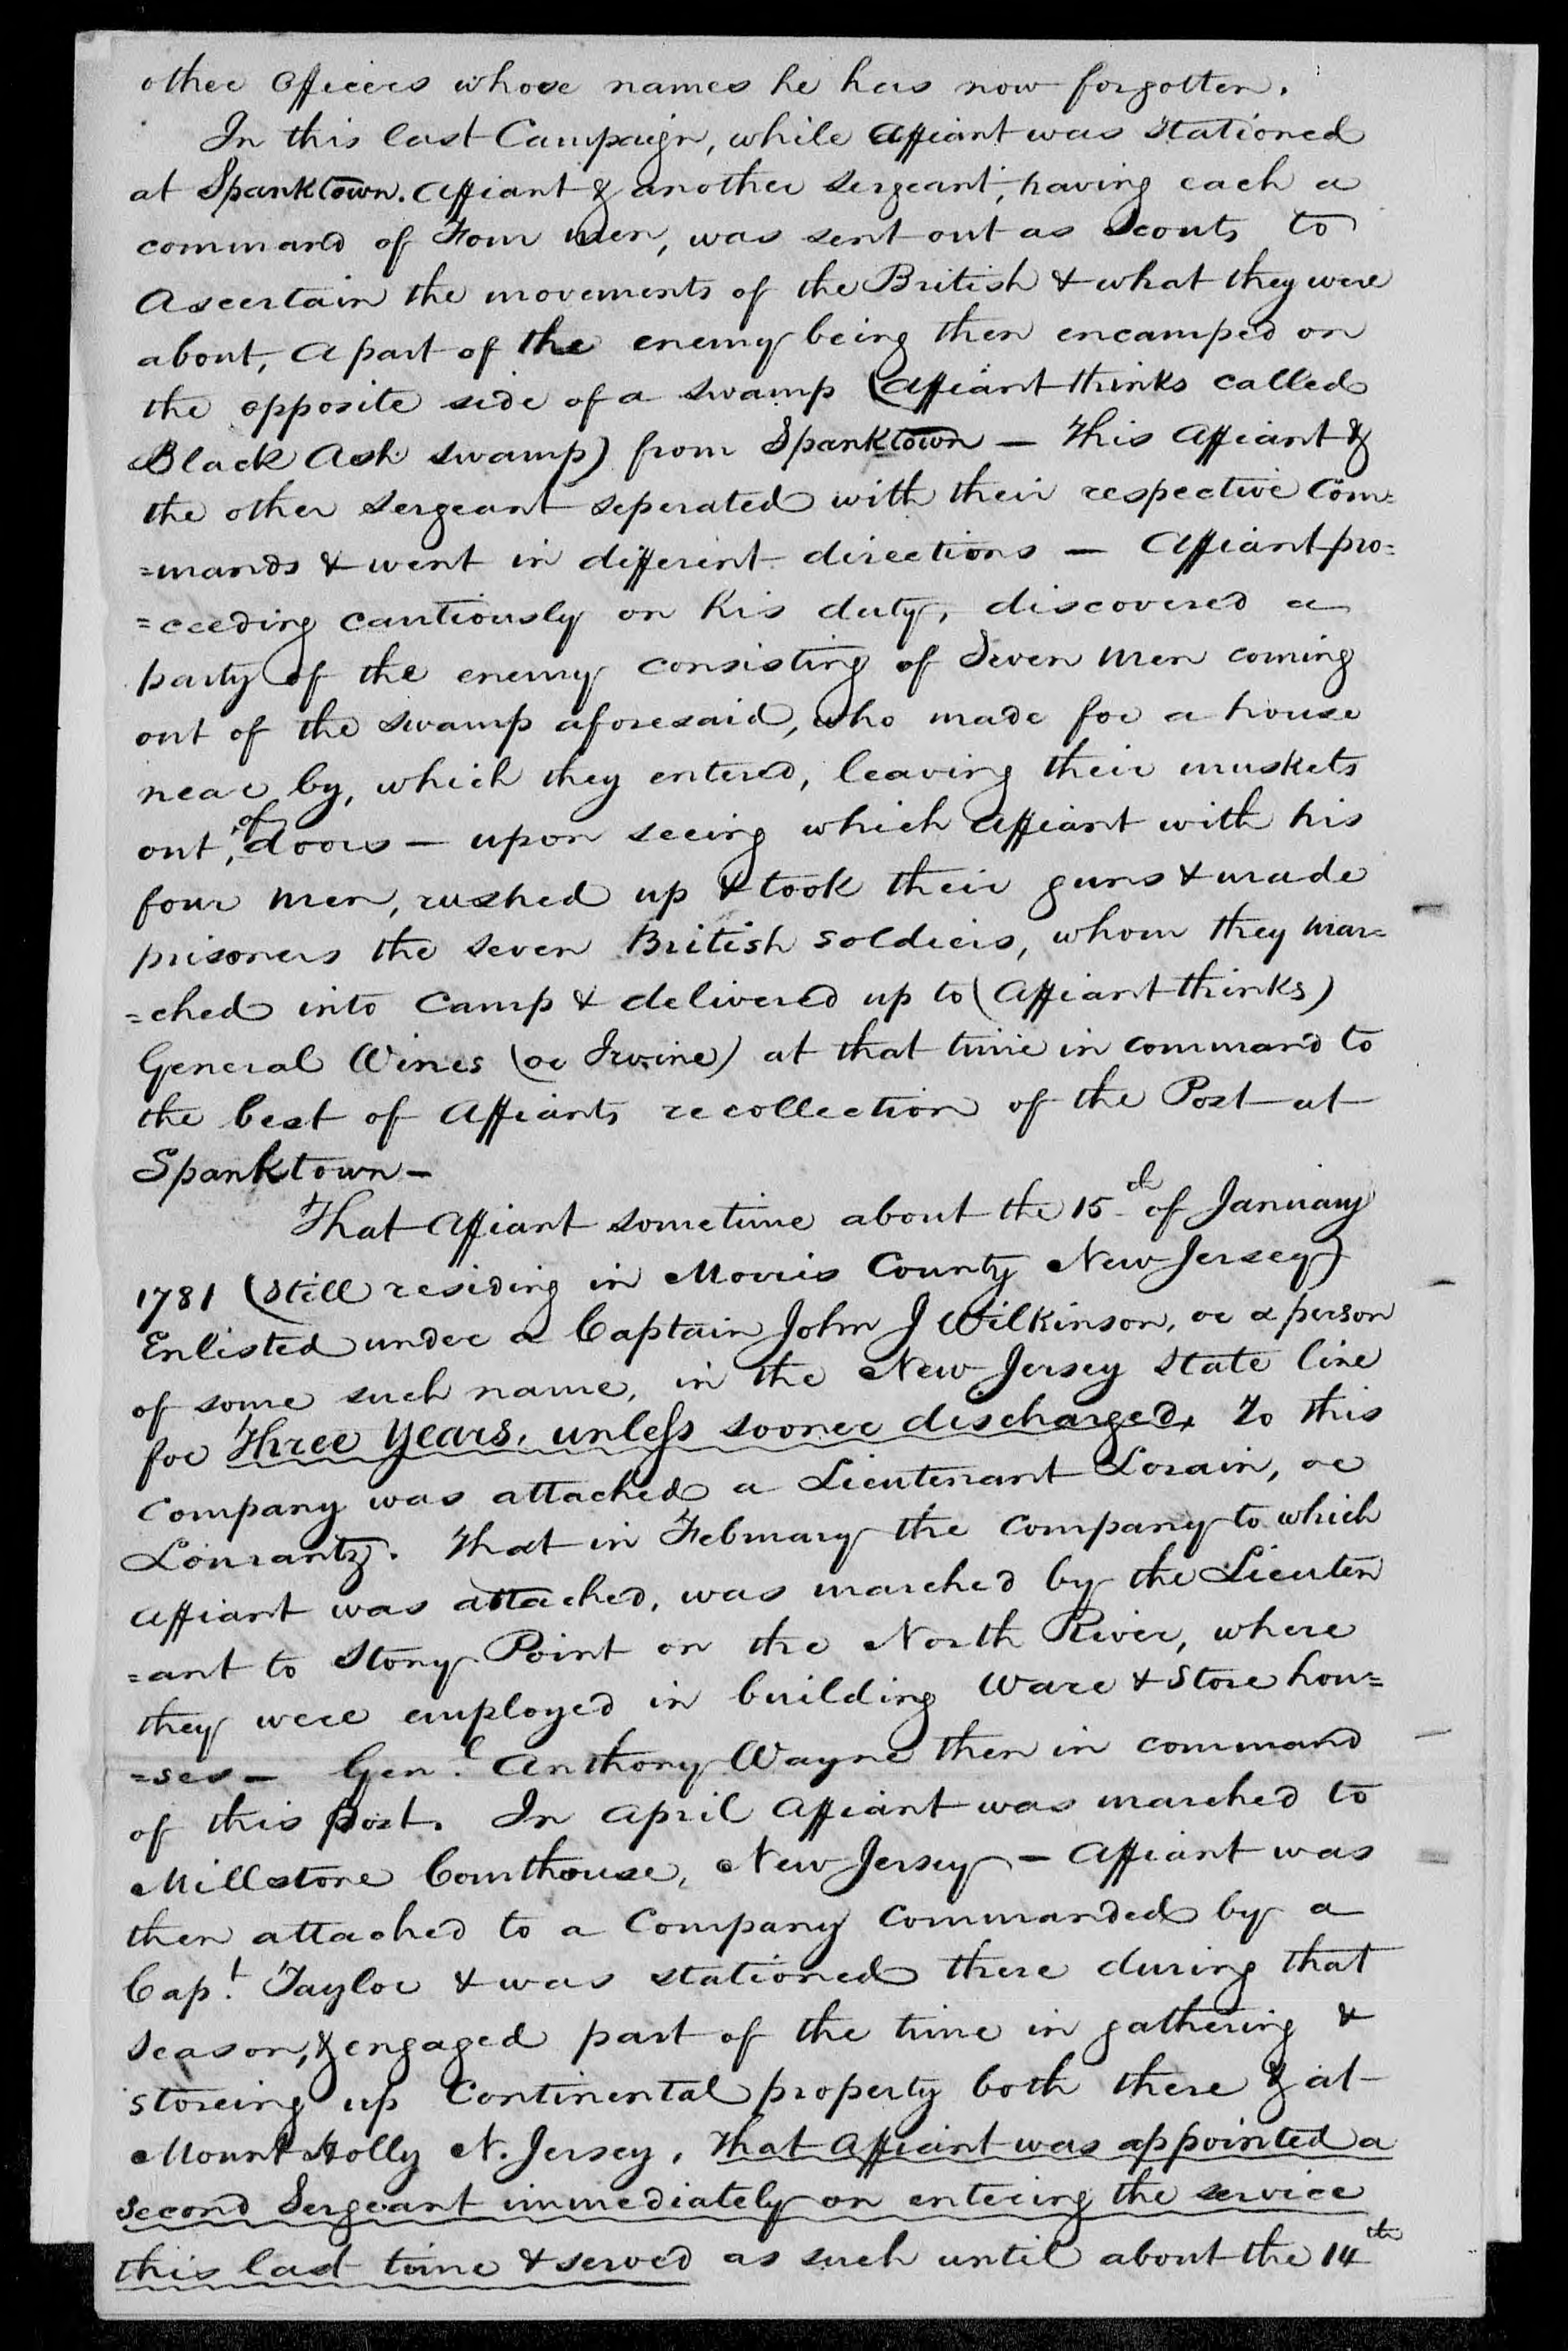the officers whose names he has now forgotten.

In this last campaign, while affiant was stationed at Spanktown, affiant & another sergeant having each a command of four men was sent out as scouts to ascertain the movements of the British & what they were about, a part of the enemy being then encamped on the opposite side of a swamp (affiant thinks called Black Ash Swamp) from Spanktown - this affiant & the other sergeant separated with their respective commands & went in different directions - affiant proceeding cautiously on his duty, discovered a party of the enemy consisting of seven men coming out of the swamp aforesaid, who made for a house nearby, which they entered, leaving their muskets out of doors - upon seeing which affiant with his four men rushed up & took their guns & made prisoners the seven British soldiers, whom they marched into camp and delivered p to (affiant thinks) General Wines (or Irvine) at that time in command to the best of affiants recollection of the post at Spanktown.

That affiant sometime about the 15th of January 1781 (still residing in Morris County New Jersey) enlisted under a Captain John J Wilkinson or a person of some such name in the New Jersey state line for three years unless sooner discharged. To this company was attached a Lieutenant Lorain or Lonrantz. That in February the company to which affiant was attached was marched by the Lieutenant to Stony Point on the North River where they were employed in building ware & store houses - Gen Anthony Wayne then in command of this post. In April, affiant was marched to Millstone Courthouse New Jersey - affiant was then attached to a company commanded by a Capt. Taylor & was stationed there during that season & engaged part of the time in gathering & storing up continental property both there & at Mount Holly N. Jersey. that affiant was appointed second sergeant immediately on entering the service this last time & served as such until about the 14th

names: Irvine, Anthony Wayne, John J Wilkinson, Taylor, Lonrantz, Wines, Lorain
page: 5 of 35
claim: rejected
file: R. 2066, William Clutter, New Jersey